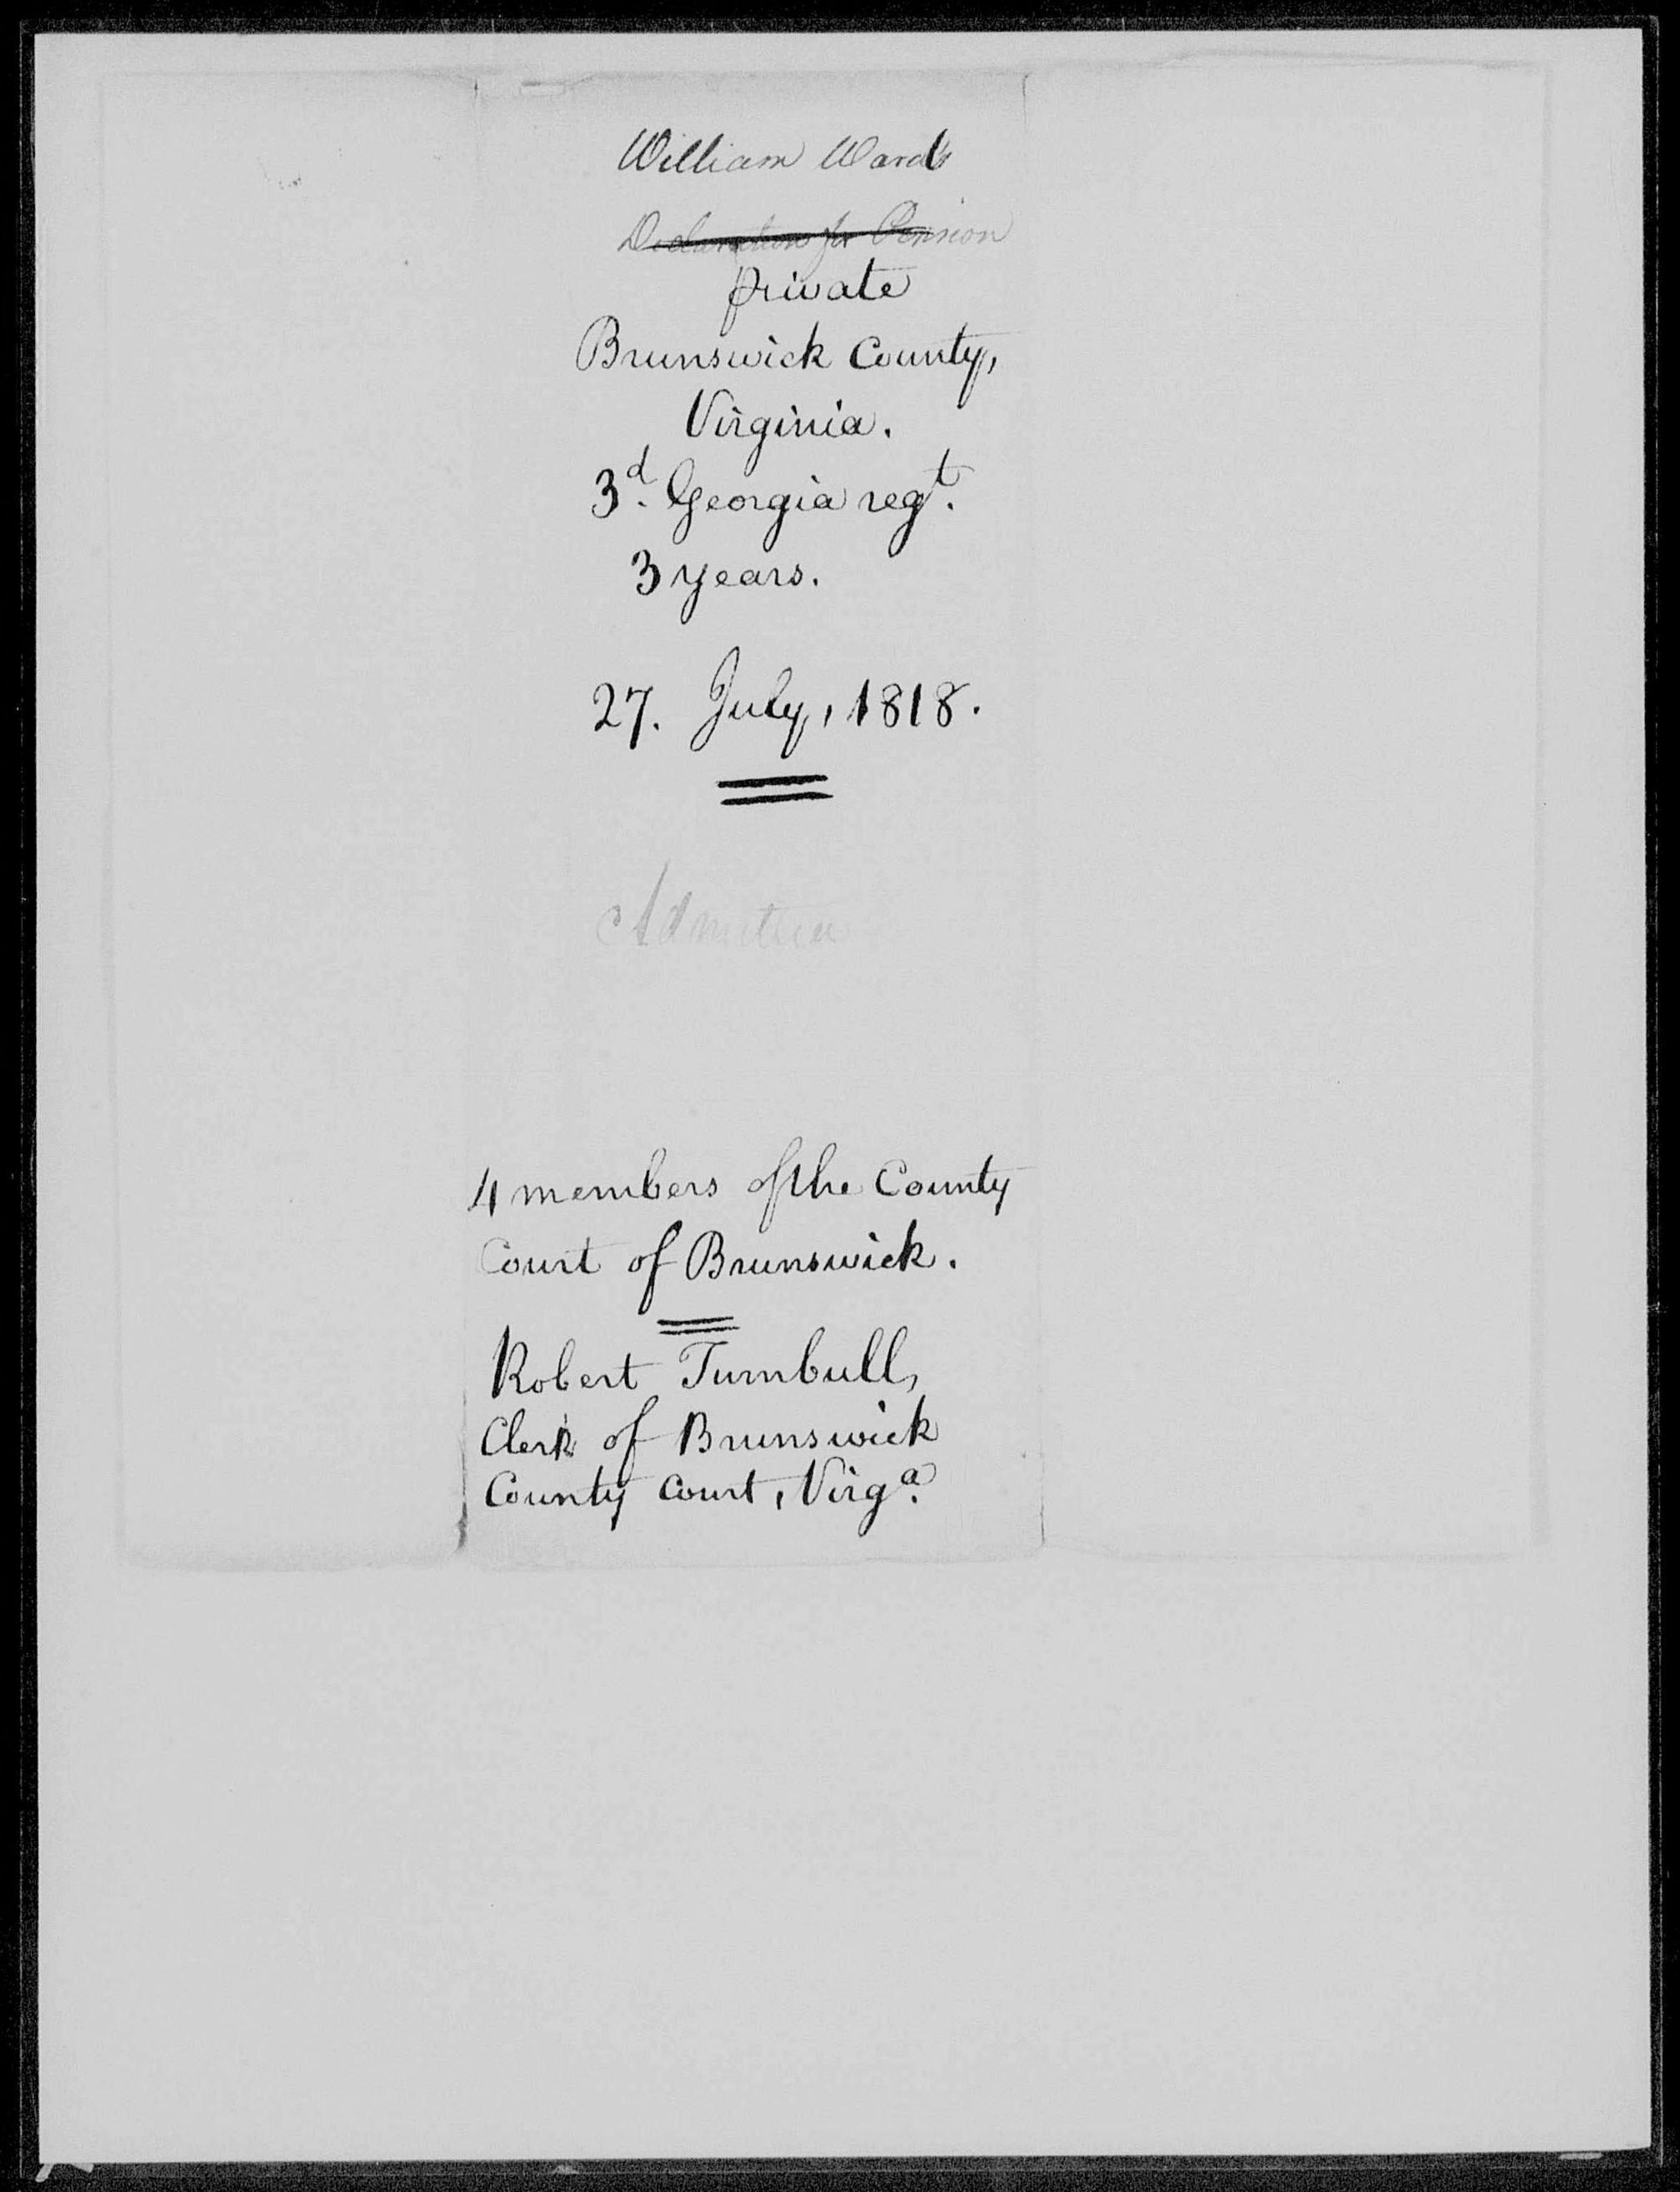William Ward
Declaration for Pension [Line Stricken]
private
Brunswick County,
Virginia.
3d Georgia regt
3 years.
27. July, 1818.
Admitted
4 members of the County
Court of Brunswick.
Robert Turnbull
Clerk of Brunswick
County Court, Virga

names: Robert Turnbull, William Ward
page: 14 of 17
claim: survivor's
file: S. 42053, William Ward, Ga.